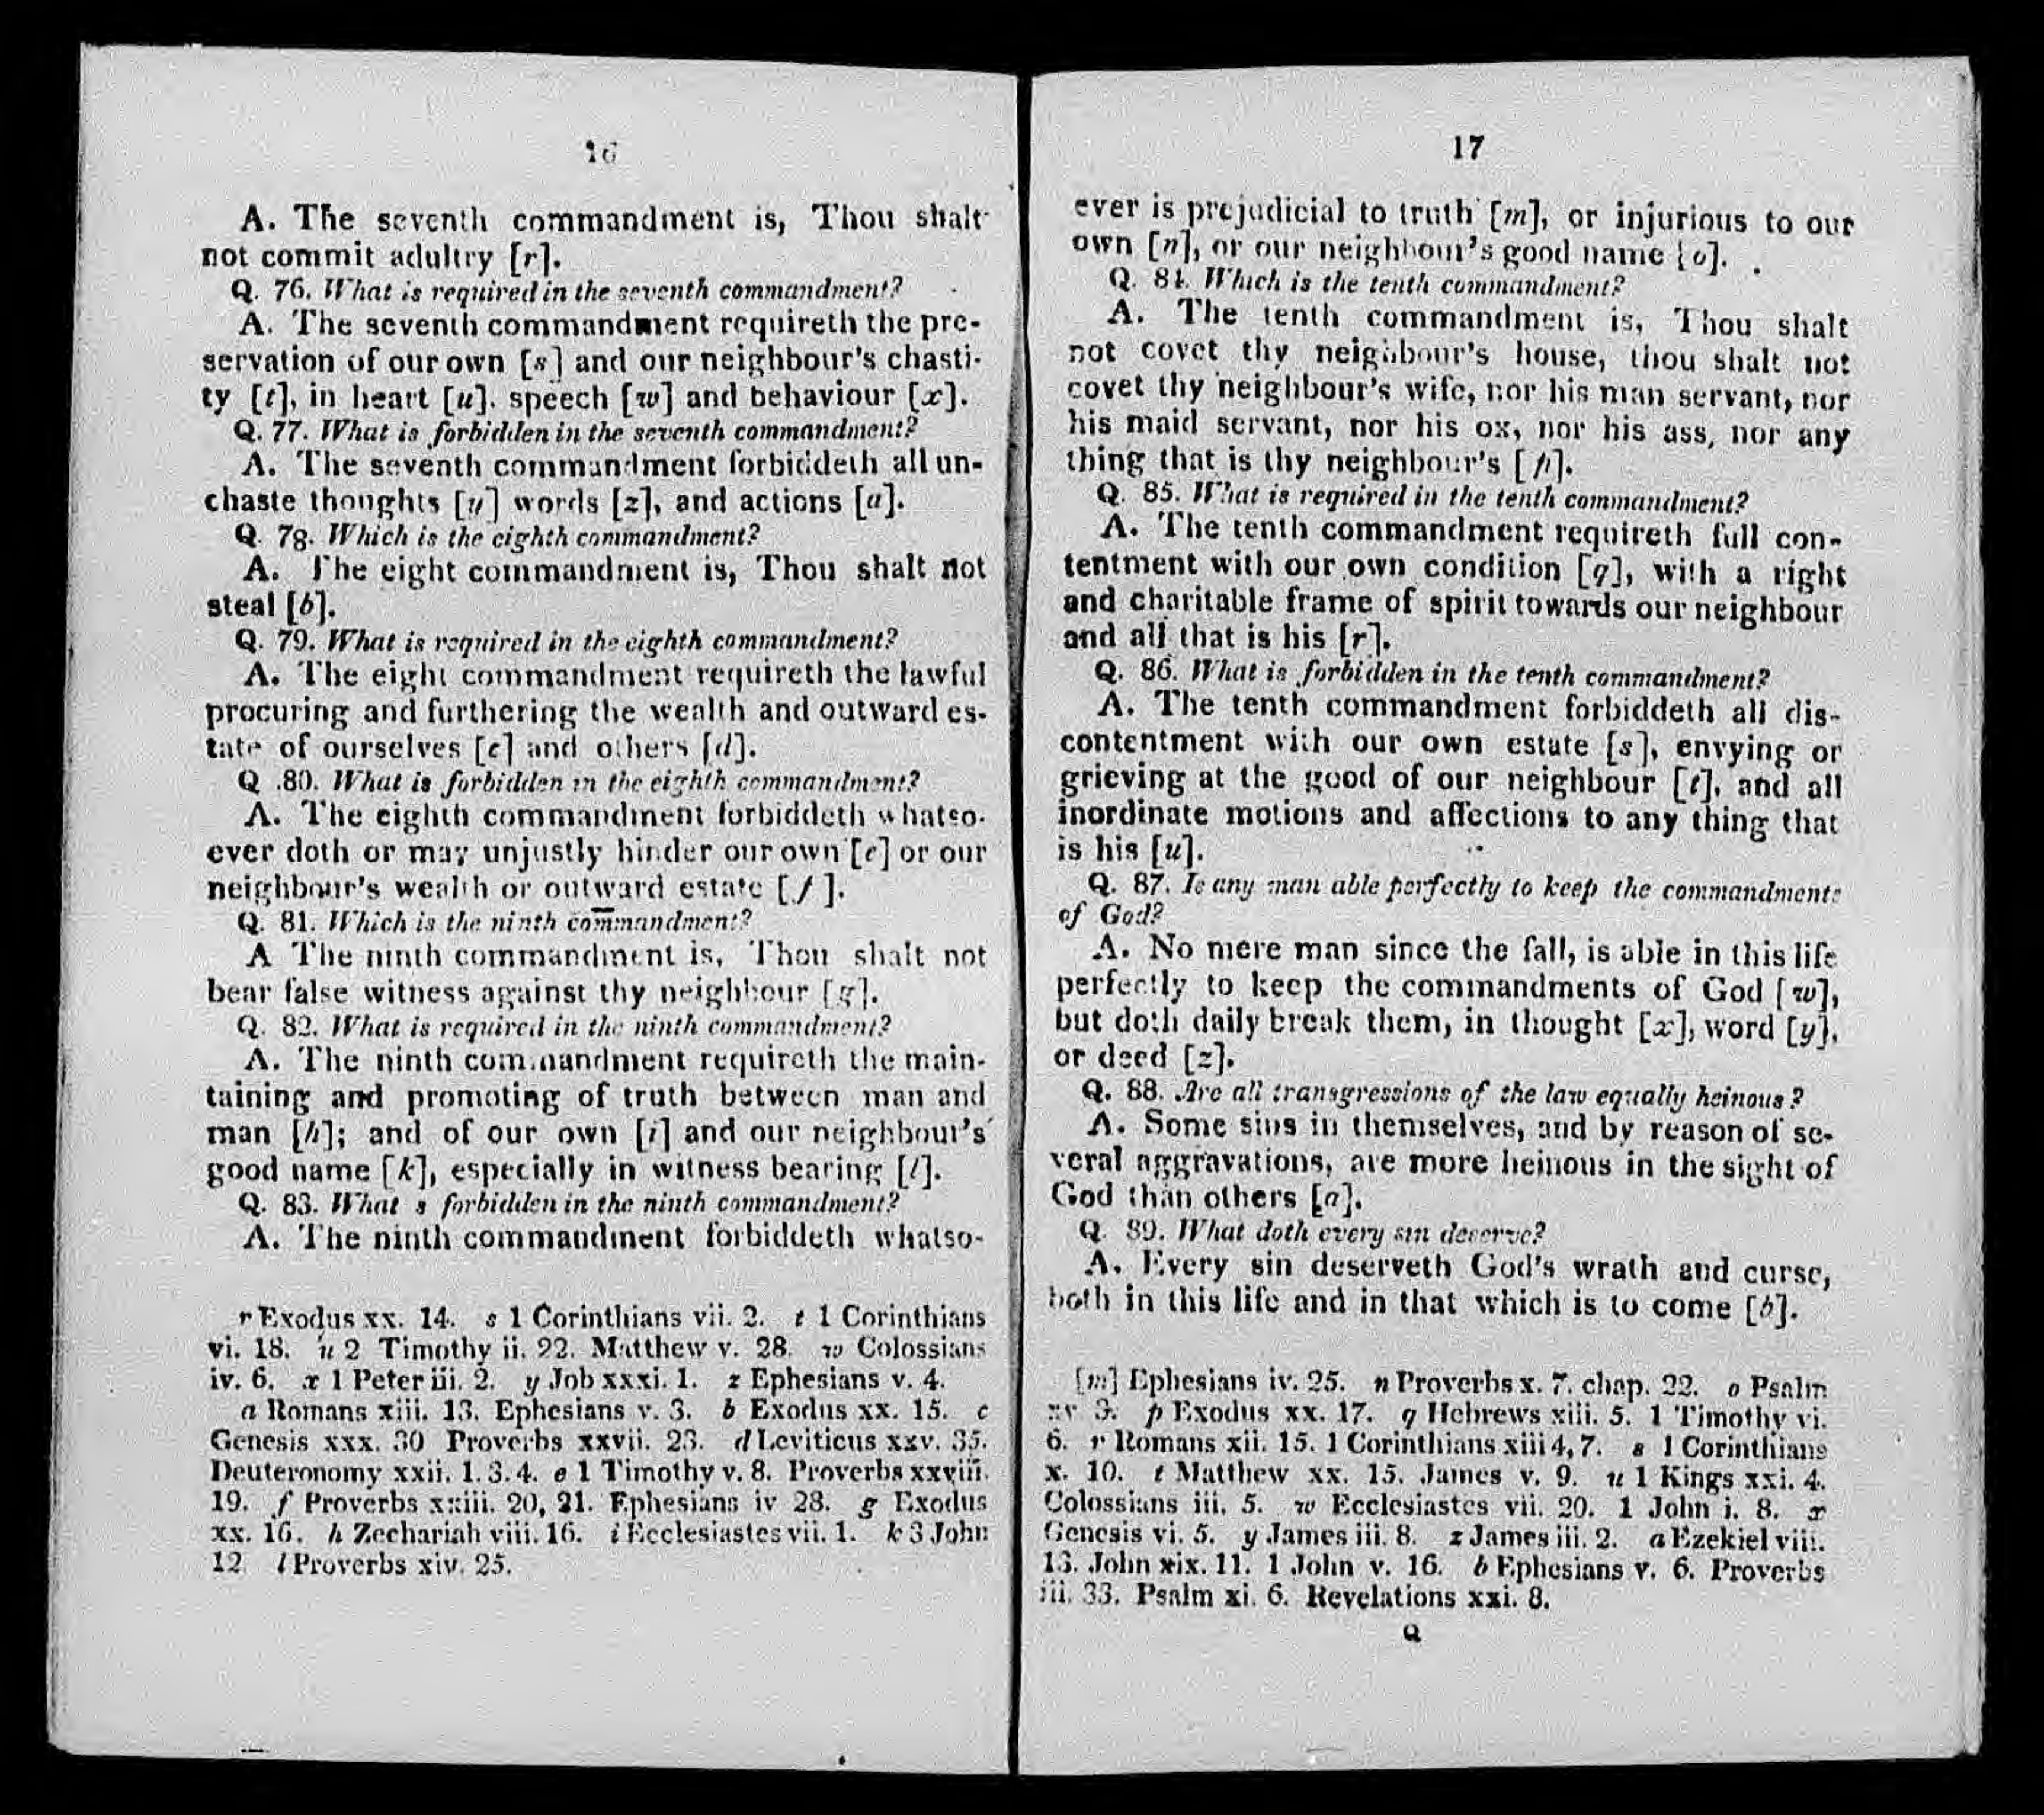16

A. The seventh commandment is, Thou shalt
not commit adultry [r].

Q. 76. What is required in the seventh commandment?
A. The seventh commandment requireth the 
preservation of our own [s] and our neighbour's chastity [t], in heart  [u],  speech [w] and behaviour [x]

Q.77. What is forbidden in the seventh commandment?
A. The seventh commandment forbiddeth all unchaste
thoughts [y] words [z], and actions [a].

Q. 78. Which is the eighth commandment?
A. The eight commandment is, Thou shalt not
steal [b].

Q. 79. What is required in the eighth commandment?
A. The eight commandment requireth the lawful
procuring and furthering the wealth and outward estate
of ourselves [c] and others [d].

Q.80. What is forbidden in the eighth commandment?
A. The eighth commandment forbiddeth whatsoever
doth or may unjustly hinder our own [e] or our
neighbour's wealth or outward estate [f].

Q. 81. Which is the ninth commandment?
A The ninth commandment is, Thou shalt not
bear false witness against thy neighbour [g].

Q.82. What is required in the ninth commandment?
A. The ninth commandment requireth the maintaining
and promoting of truth between man and
man [h]; and of our own [i] and our neighbour's
good name [k], especially in witness bearing [l].

Q.83. Whats forbidden in the ninth commandment?
A. The ninth commandment forbiddeth whatso-


r. xodus xx. 14. 1 s  Corinthians vii. 2.   t 1 Corinthians
vi. 18. u 2 Timothy ii. 22,   Matthew v. 28.   w Colossians
iv. 6.   x  Peter iii. 2.   y Job xxxi. 1.  x  Ephesians v. 4.

a Romans xiii. 13.   Ephesians v. 3.   b  Exodus xx. 15.
c Genesis xxx. 30   Proverbs xxvii. 23.   d Leviticus xxv. 35.
Deuteronomy xxii. 1. 3. 4.   e 1 Timothy v. 8. Proverbs xxviii.
19.   f Proverbs xxiii, 20, 21.   Ephesians iv 28.  g Exodus
XX. 16.   h Zechariah viii. 16.   i Ecclesiastes vii. 1.   k  3 John
12.   l Proverbs xiv. 25.

17

ever is prejudicial to truth [m], or injurious to our
own [n], or our neighbour's good name [o].

Q. 84. Which is the tenth commandment?
A. The tenth commandment is, Thou shalt
not covet thy neighbour's house, thou shalt not
covet thy neighbour's wife, nor his man servant, nor
his maid servant, nor his ox, nor his ass, nor any
thing that is thy neighbour's [p].

Q.85. What is required in the tenth commandment
A. The tenth commandment requireth full contentment
with our own condition [q], with a right
and charitable frame of spirit towards our neighbour
and all that is his [r].

Q. 86.. What is forbidden in the tenth commandment?
A. The tenth commandment forbiddeth all discontentment
with our own estate ([s], envying or
grieving at the good of our neighbour [t], and all
inordinate motions and affections to any thing that
is his [u].

Q. 87. To any man able perfectly to keep the commandments of God?
A. No mere man since the fall, is able in this life
perfectly to keep the commandments of God [w],
but doth daily break them, in thought [x], word [y],
or deed [z].

Q. 88. Are all transgressions of the law equally heinous?
A. Some sins in themselves, and by reason of several
aggravations, are more heinous in the sight of
God than others [a].

Q. 89. What doth every in deserve?
A. Every sin deserveth God's wrath and curse,
both in this life and in that which is to come [b].

[m] Ephesians iv. 25.  n  Proverbs x. 7 chap. 22.   o Psalm
xv 3.   p Exodus xx. 17.   q  Hebrews xiii. 5.   1 Timothy vi.
6.   r  Romans xii. 15,  1 Corinthians xiii. 4. 7.   s 1 Corinthians
x. 10.   t Matthew xx. 15 James v. 9   u 1 Kings xxi. 4.
Colossians iii. 5.   w Ecclesiastes vil. 20.   1 John i. 8.  x
Genesis vi. 5.   y James iii. 8.  z James iii.  2.  a Ezekiel viii.
13 John xix. 11.   1 John v. 16.   b  Ephesians v.   6. Proverbs
iii. 33.   Psalm xi. 6.   Revelations xxi. 8.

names: Timothy, James, Timothy, John, Matthew, Kings, John, Job, John, James, John, Timothy, Zechariah, Peter, James, Matthew, Ezekiel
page: 69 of 98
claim: widow's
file: W. 8398, William Broadway, S.C.